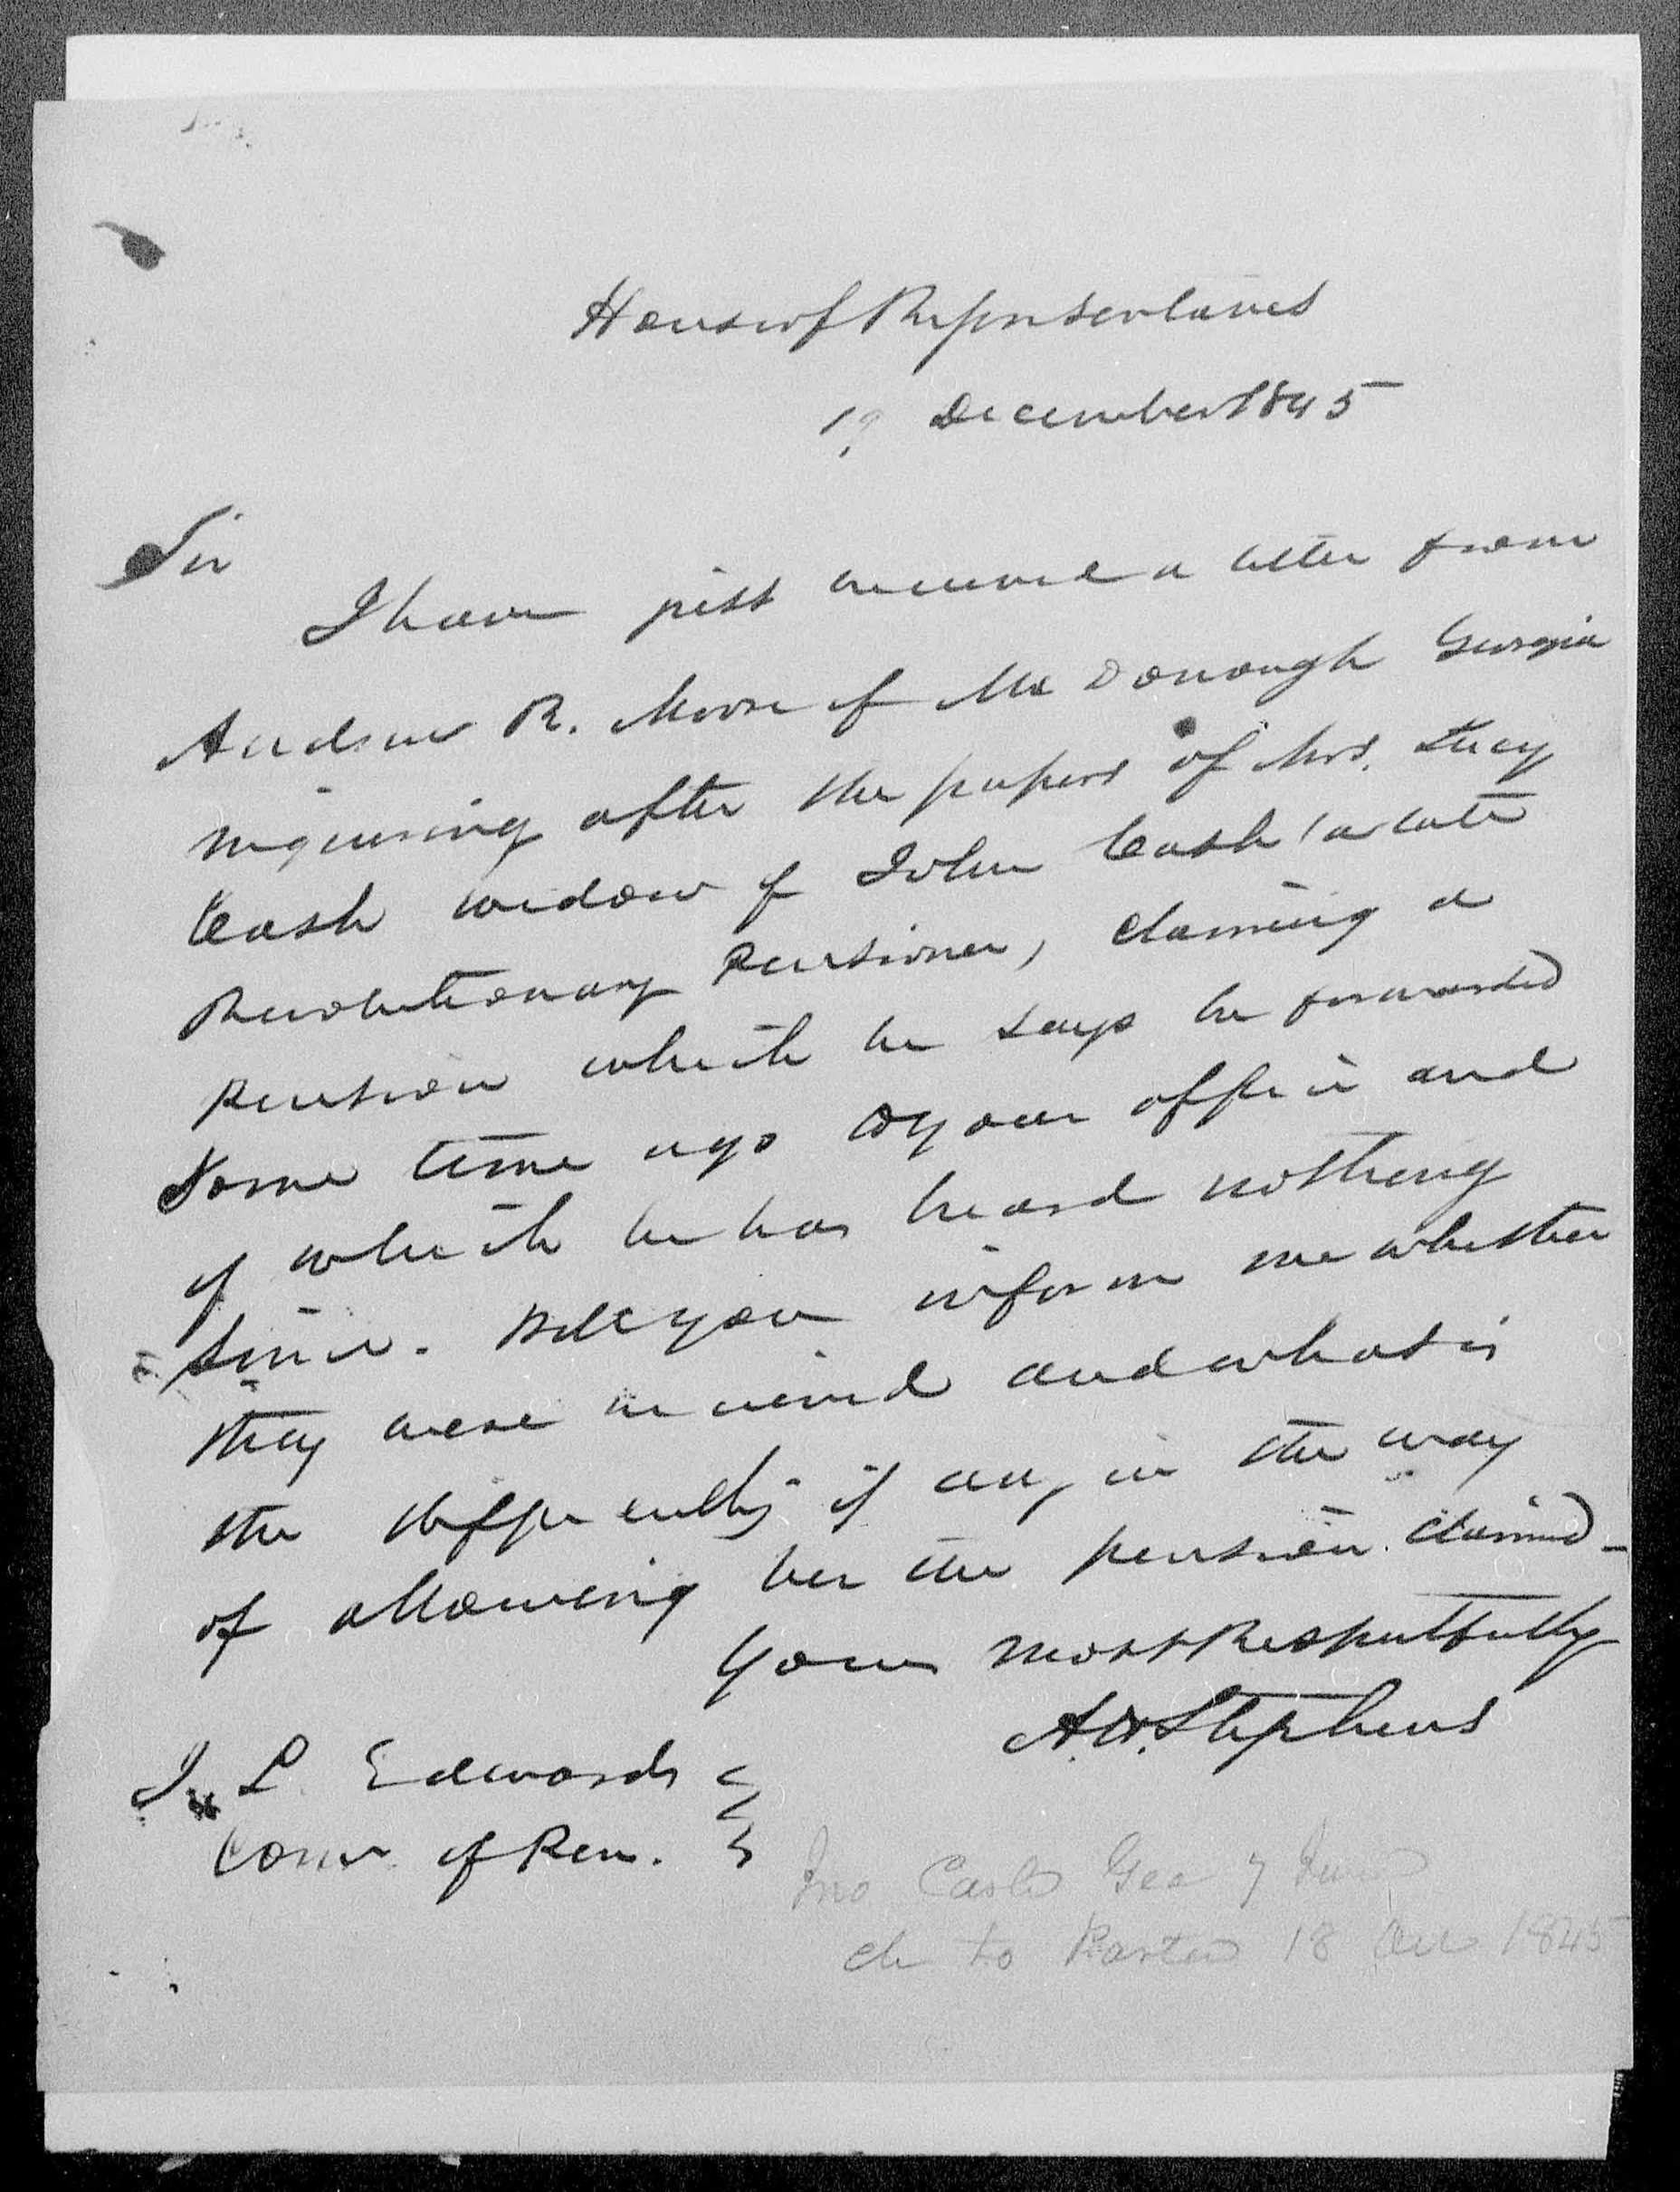House of Representatives
19 December 1845
Sir,
I have just received a letter from Andrew R. Moore of McDonough Georgia inquiring
after the papers of Mrs. Lucy Cash, widow of John Cash (late Revolutionary pensioner)
claiming a Pension which he says he forwarded some time ago to your office and
of which he has heard nothing since.
Will you inform me whether they
were received and what is the
difficulty if any in the way  of allowing her the pension claimed.
Your most Respectfully
                                 A. Stephens
J L Edwards
Com of Pen,

Jno Carle Geo 7 Jun
cle to Parter 18 Oct 1845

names: Lucy Cash, Andrew R Moore, J L Edwards, John Cash, A H Stephens, Jno Cash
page: 45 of 73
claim: widow's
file: W. 5,894, John Cash, Va.